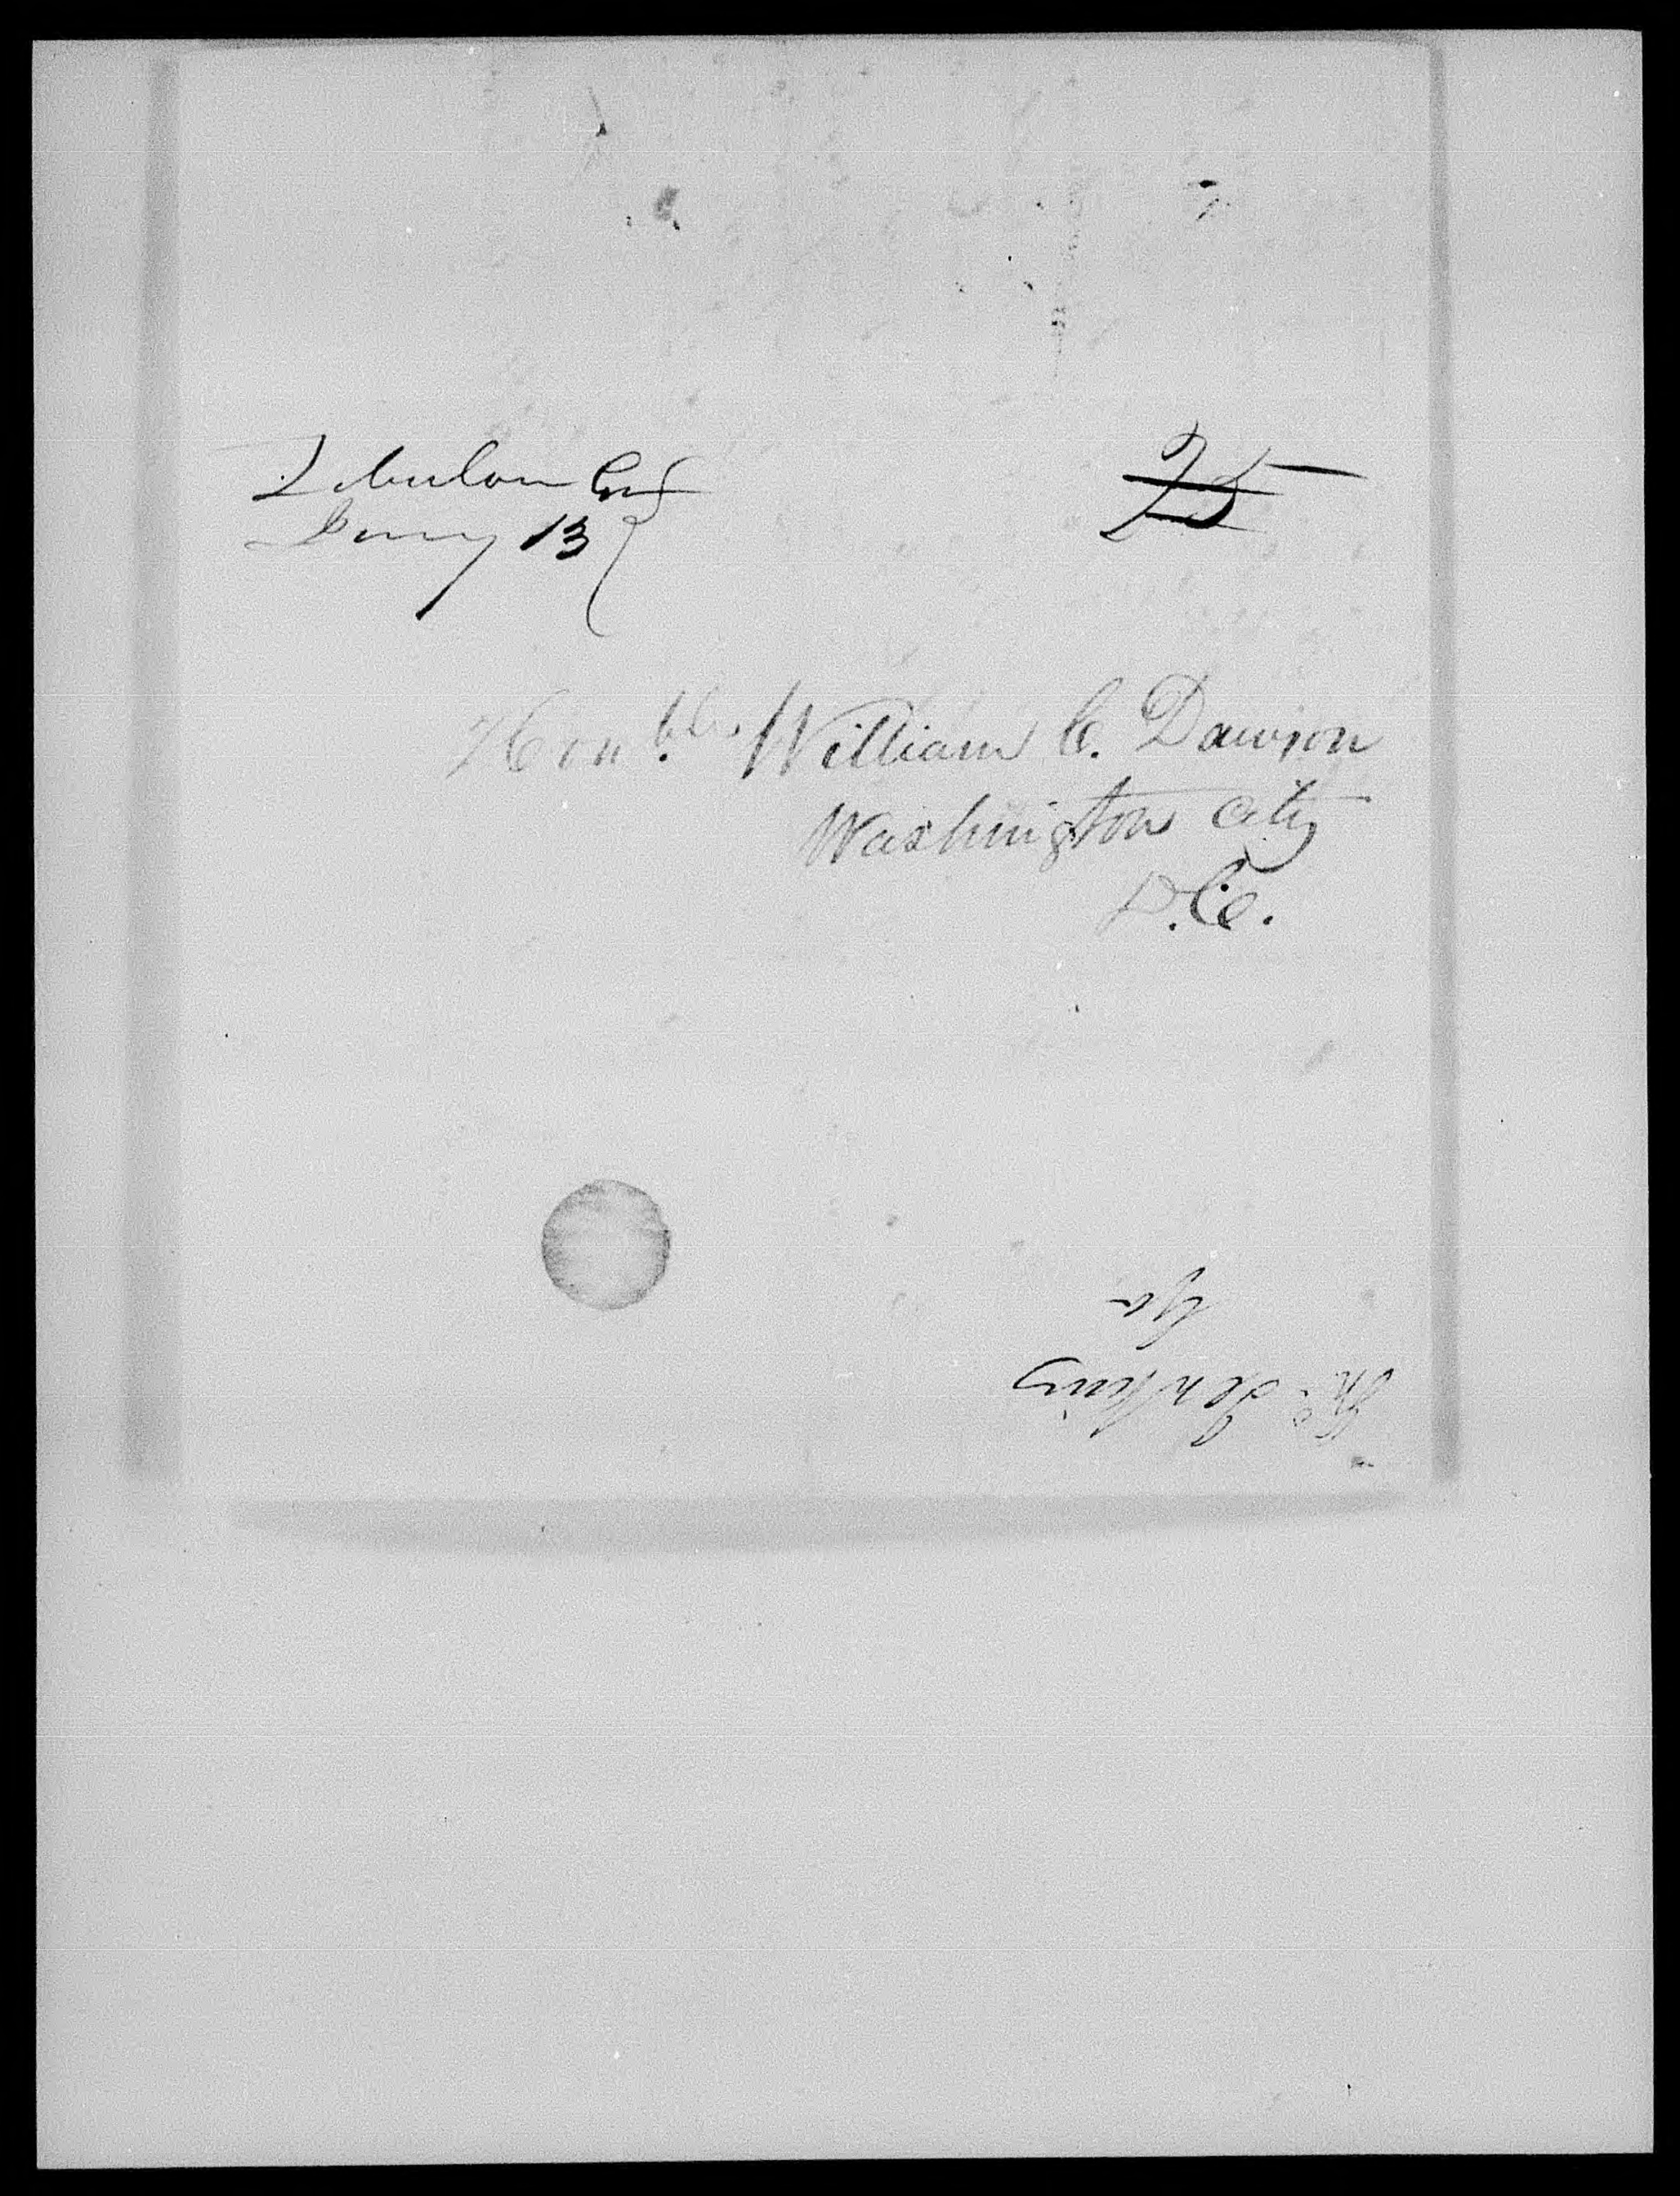Zebulon C
Jany 13
Hon.ble William C. Dawson
Washington City
D. C.
Jn Jenkins Ga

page: 43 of 55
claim: widow's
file: W. 7894, for John Jenkins, Virginia